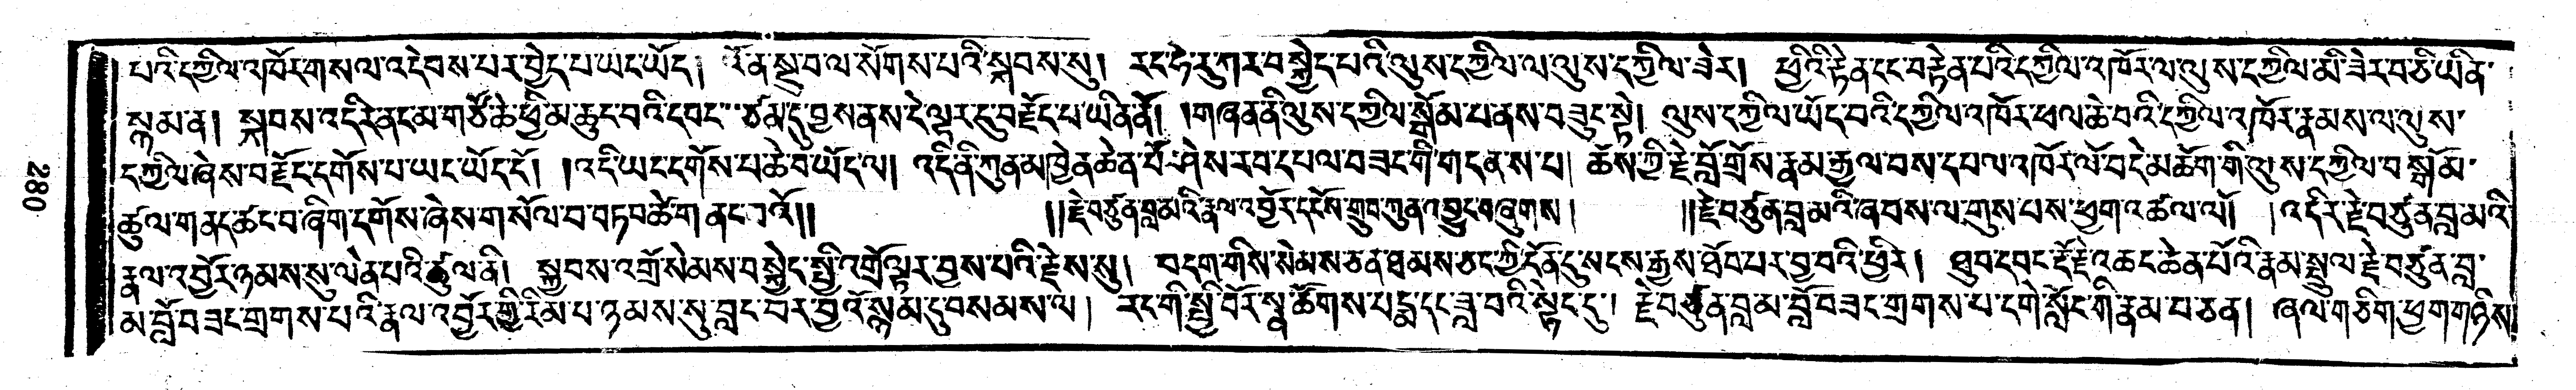པའི་དཀྱིལ་འཁོར་གསལ་འདེབས་པར་བྱེད་པ་ཡང་ཡོད། འོ་ན་སྡུ་བ་ལ་སོགས་པའི་སྐབས་སུ། རང་ཧེ་རུ་ཀར་བསྐྱེད་པའི་ལུས་དཀྱིལ་ལ་ལུས་དཀྱིལ་ཟེར། ཕྱིའི་རྟེན་དང་བརྟེན་པའི་དཀྱིལ་འཁོར་ལ་ལུས་དཀྱིལ་མི་ཟེར་བ་ཅི་ཡིན་
སྙམ་ན། སྐབས་འདིར་ནང་མ་གཙོ་ཆེ་ཕྱི་མ་ཆུང་བའི་དབང་ཙམ་དུ་བྱས་ནས་དེ་ལྟར་དུ་བརྗོད་པ་ཡིན་ནོ། །གཞན་ནི་ལུས་དཀྱིལ་སྒོམ་པ་ནས་བཟུང་སྟེ། ལུས་དཀྱིལ་ཡོད་བའི་དཀྱིལ་འཁོར་ཕལ་ཆེ་བའི་དཀྱིལ་འཁོར་རྣམས་ལ་ལུས་
དཀྱིལ་ཞེས་བརྗོད་དགོས་པ་ཡང་ཡོད་དོ། །འདི་ཡང་དགོས་པ་ཆེ་བ་ཡོད་ལ། འདི་ནི་ཀུན་མཁྱེན་ཆེན་པོ་ཤེས་རབ་དཔལ་བཟང་གི་གདན་ས་པ། ཆོས་ཀྱི་རྗེ་བློ་གྲོས་རྣམ་རྒྱལ་བས་དཔལ་འཁོར་ལོ་བདེ་མཆོག་གི་ལུས་དཀྱིལ་བསྒོམ་
ཚུལ་གནད་ཚང་བ་ཞིག་དགོས་ཞེས་གསོལ་བ་བཏབ་ཚེ་གནང་བའོ།། །།རྗེ་བཙུན་བླ་མའི་རྣལ་འབྱོར་དངོས་གྲུབ་ཀུན་འབྱུང་བཞུགས། །།རྗེ་བཙུན་བླ་མའི་ཞབས་ལ་གུས་པས་ཕྱག་འཚལ་ལོ། །འདིར་རྗེ་བཙུན་བླ་མའི་
རྣལ་འབྱོར་ཉམས་སུ་ལེན་པའི་ཚུལ་ནི། སྐྱབས་འགྲོ་སེམས་བསྐྱེད་སྤྱི་འགྲོ་ལྟར་བྱས་པའི་རྗེས་སུ། བདག་གིས་སེམས་ཅན་ཐམས་ཅད་ཀྱི་དོན་དུ་སངས་རྒྱས་ཐོབ་པར་བྱ་བའི་ཕྱིར། ཐུབ་དབང་རྡོ་རྗེ་འཆང་ཆེན་པོའི་རྣམ་སྤྲུལ་རྗེ་བཙུན་བླ་
མ་བློ་བཟང་གྲགས་པའི་རྣལ་འབྱོར་གྱི་རིམ་པ་ཉམས་སུ་བླང་བར་བྱའོ་སྙམ་དུ་བསམས་ལ། རང་གི་སྤྱི་བོར་སྣ་ཚོགས་པདམ་དང་ཟླ་བའི་སྟེང་དུ། རྗེ་བཙུན་བླ་མ་བློ་བཟང་གྲགས་པ་དགེ་སློང་གི་རྣམ་པ་ཅན། ཞལ་གཅིག་ཕྱག་གཉིས་